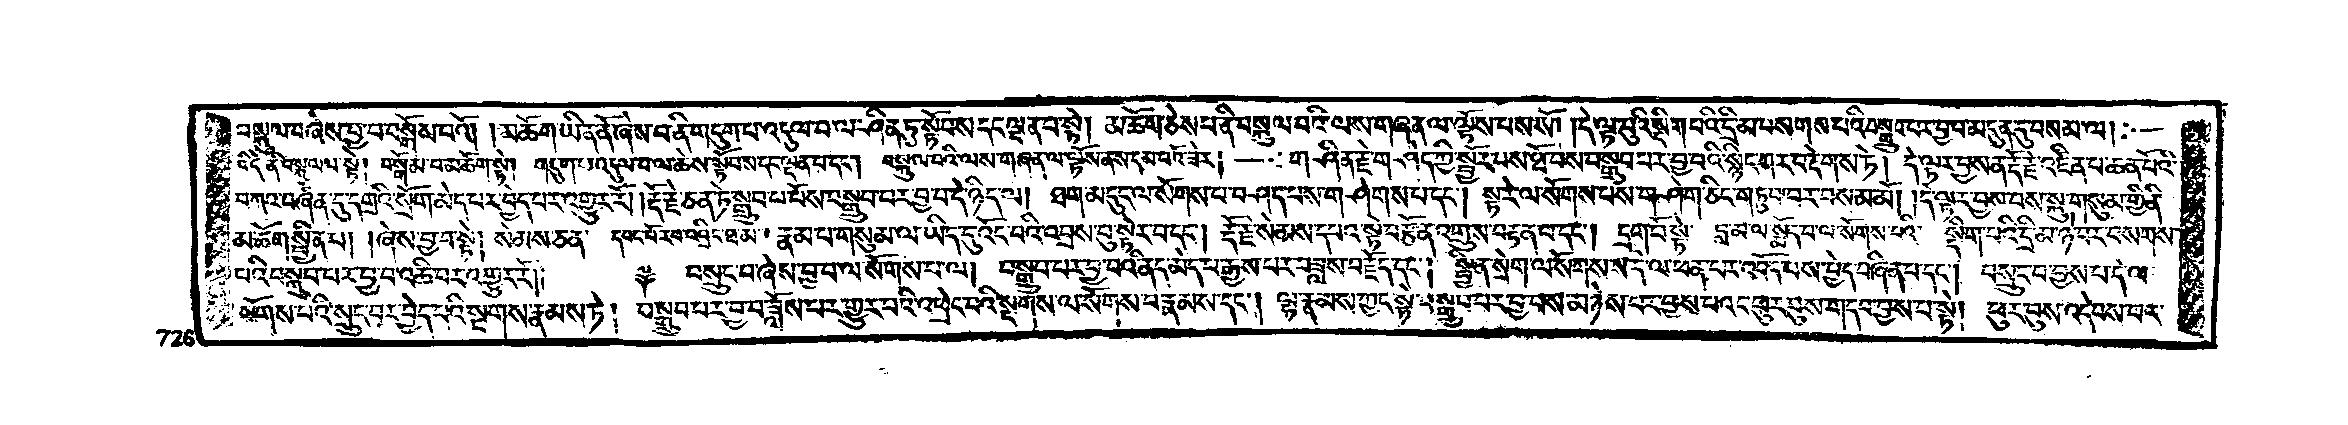བསྐུལ་བ་ཞེས་བྱ་བ་བསྒོམ་པའོ། །མཆོག་ཡིན་ནོ་ཞེས་པ་ནི་གདུག་པ་འདུལ་བ་ལ་ཤིན་ཏུ་སྟོབས་དང་ལྡན་པ་སྟེ། མཆོག་ཅེས་པ་ནི་བསྐུལ་བའི་ལས་གཞན་ལ་ལྟོས་པས་སོ། །དེ་ལྟ་བུའི་སྡིག་པའི་དྲི་མ་བསགས་པའི་བསྒྲུབ་པར་བྱ་བ་མདུན་དུ་བསམ་ལ། H.
པ་ཚབ་འདི་ནི་བསྐལ་པ་སྟེ། བསྒོམ་པ་མཆོག་སྟེ། གདུག་པ་འདུལ་བ་ལ་ཆེས་སྟོབས་དང་ལྡན་པ་དང་། བསྐུལ་བའི་ལས་གཞན་ལ་ལྟོས་ནས་དམ་པའོ་ཟེར། .H གཤིན་རྗེ་གཤེད་ཀྱི་སྦྱོར་བས་ཐོ་བས་བསྒྲུབ་པར་བྱ་བའི་སྙིང་གར་བརྡོགས་ཏེ། དེ་ལྟར་བྱས་ན་རྡོ་རྗེ་འཛིན་པ་ཆེན་པོའི་
བཀའ་བཞིན་དུ་དགྲའི་སྲོག་མེད་པར་བྱད་པར་འགྱུར་རོ། །རྡོ་རྗེ་ཅན་ཏེ་སྒྲུབ་པ་པོས་བསྒྲུབ་པར་བྱ་བ་དེ་ཉིད་ལ། ཐག་མདུང་ལ་སོགས་པ་བཤད་པས་གཤེགས་པ་དང་། སྟ་རེ་ལ་སོགས་པས་གཤེག་ཅིང་གཏུབ་པར་བསམ་མོ། །དེ་ལྟར་བྱས་པས་སྐུ་གསུམ་གྱི་ནི་
མཆོག་སྦྱིན་པ། །ཞེས་བྱ་བ་སྟེ། སེམས་ཅན་དབང་པོ་རབ་འབྲིང་ཐ་མ་རྣམ་པ་གསུམ་ལ་ཡིད་དུ་འོང་བའི་འབྲས་བུ་སྟེར་བ་དང་། རྡོ་རྗེ་སེམས་དཔའ་སྟེ་བརྩོན་འགྲུས་བརྟན་པ་དང་། དྲག་པོ་སྟེ་བླ་མ་ལ་སྨོད་པ་ལ་སོགས་པའི་སྡིག་པའི་དྲི་མ་ཉེ་བར་བསགས་
པའི་བསྒྲུབ་པར་བྱ་བ་འཆི་བར་འགྱུར་རོ།། ༈ བསྲུང་བ་ཞེས་བྱ་བ་ལ་སོགས་པ་ལ། བསྒྲུབ་པར་བྱ་བའི་ནད་མེད་པ་རྒྱས་པར་བཟླས་བརྗོད་དང་། སྦྱིན་སྲོག་ལ་སོགས་པ་དེ་ལ་ཕན་པར་འདོད་པས་བྱེད་བཞིན་པ་དང་། བསྲུང་བ་བྱས་པ་དེ་ལ་
སོགས་པའི་སྲུང་བར་བྱེད་པའི་སྔགས་རྣམས་ཏེ། བསྒྲུབ་པར་བྱ་བ་ཟློས་པར་གྱུར་པའི་འཕྲེང་བའི་སྔགས་ལ་སོགས་པ་རྣམས་དང་། ལྷ་རྣམས་ཀྱང་སྟེ་བསྒྲུབ་པར་བྱ་བས་མཉེས་པར་བྱས་པའང་ཕུར་བྱས་གདབ་བྱས་པ་སྟེ། ཕུར་བུས་འདེབས་པར་